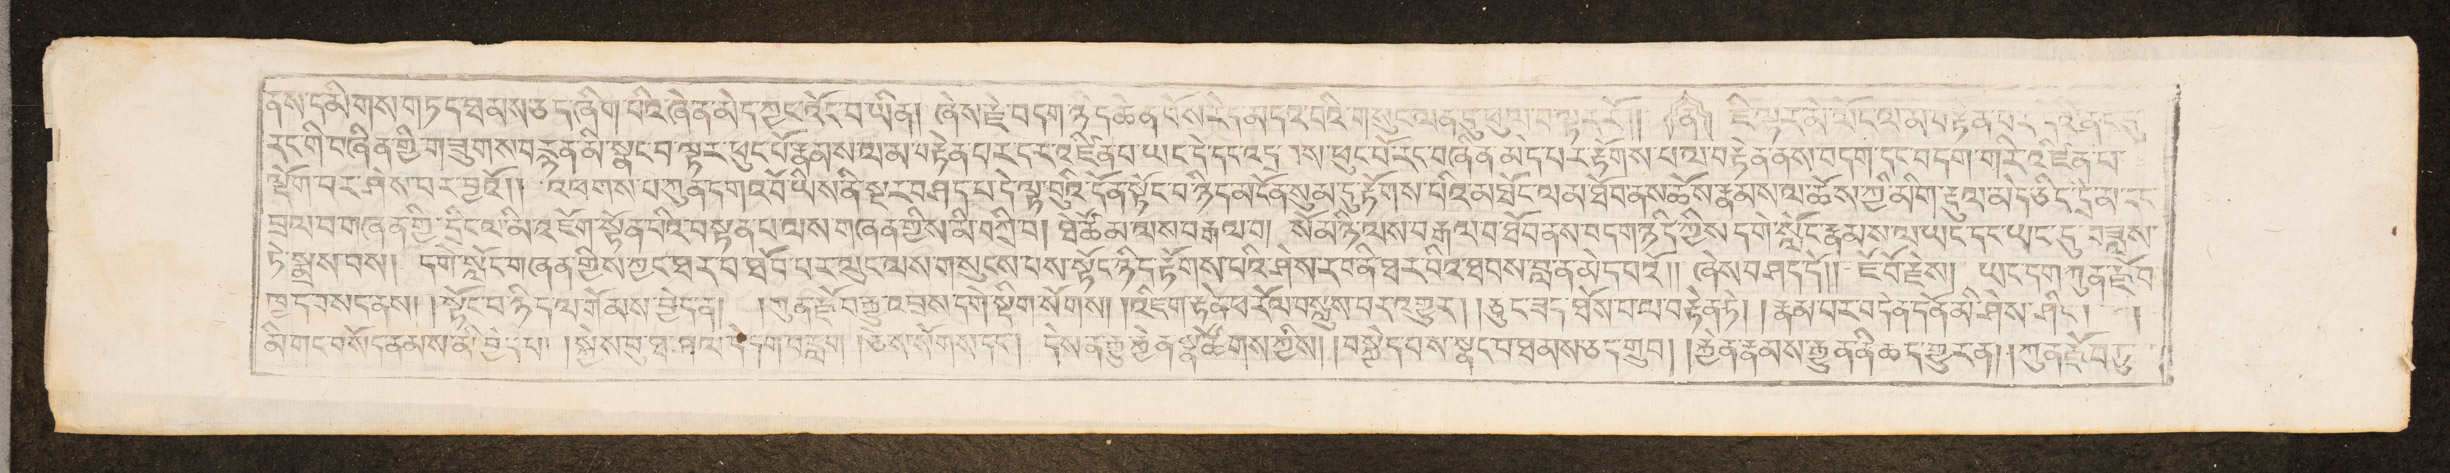ནས་དམིགས་གཏད་ཐམས་ཅད་ཞིག་པའི་ཞེ་ན་མེད་ཀྱང་འོང་བ་ཡིན། ཞེས་རྗེ་བདག་ཉིད་ཆེན་པོ་ས་རེད་མདའ་བའི་གསུང་ལན་དུ་ཕུལ་བ་ལྟར་རོ།། ༼༽ན༼༽ ཇི་ལྟར་མེ་ལོང་ལ་མ་བརྟེན་པར་དེའི་ནང་དུ་
རང་གི་བཞིན་གྱི་གཟུགས་བརྙན་མི་སྣང་བ་ལྟར་ཕུང་པོ་རྣམས་ལ་མ་བརྟེན་པར་དར་འཛིན་པ་ཡང་དེ་དང་འདྲ་བས་ཕུང་པོ་རང་བཞིན་མེད་པར་རྟོགས་པ་ལ་བརྟེན་ནས་བདག་དང་བདག་གིར་འཛིན་པ་
ལྡོག་པར་ཤེས་པར་བྱའོ། །འཕགས་པ་ཀུན་དགའ་བོ་ཡིས་ནི་སྔར་བཤད་པ་དེ་ལྟ་བུའི་དོན་སྟོང་བ་ཉིད་མངོ་སུམ་དུ་རྟོགས་པའི་མཐོང་ལམ་ཐོབ་ནས་ཆོས་རྣམས་ལ་ཆོས་ཀྱི་མིག་རྡུལ་མེད་ཅིང་དྲི་མ་དང་
བྲལ་བ་གཞན་གྱི་དྲིང་ལ་མི་འཇོག་སྟོན་པའི་བསྟན་པ་ལས་གཞན་གྱིས་མི་བཀྲི་བ། ཐེ་ཚོམ་ལས་བརྒལ་བ། སོ་མ་ཉི་ལས་བརྒལ་བ་ཐོབ་ནས་བདག་ཉིད་ཀྱིས་དགེ་སློང་རྣམས་ལ་ཡང་དང་ཡང་དུ་བཟླས་
ཏེ་སྨྲས་པས། དགེ་སློང་གཞན་གྱིས་ཀྱང་ཐར་བ་ཐོབ་པར་ལུང་ལས་གསུངས་པས་སྟོང་ཉིད་རྟོགས་པའི་ཤེས་རབ་ནི་ཐར་བའི་ཐབས་བླ་ན་མེད་པའོ།། ཞེས་བཤད་དོ།། ཇོ་བོ་རྗེས། ཡང་དག་ཀུན་རྫོབ་
ཁད་བསད་ནས། །སྟོང་པ་ཉིད་ལ་གོམས་བྱེད་ན། །ཀུན་རྫོབ་རྒྱུ་བཱྲས་དགེ་སྡིག་སོགས། །འཇིག་རྟེན་ཕ་རོལ་བསླུས་པར་འགྱུར། །ཅུང་ཟད་ཐོས་པ་ལ་བརྟེན་ཏེ། །རྣམ་པར་བདེན་དོན་མེ་ཤེས་ཤིང་། །
མི་གང་བསོད་ནམས་ནི་བྱེད་པ། །སྐྱེས་བུ་ཐ་ཤལ་དེ་དག་བརླག། །ཅེས་སོགས་དང་། དེས་ན་རྒྱུ་རྐྱེན་སྣ་ཚོགས་ཀྱིས། །བསྐྱེད་པས་སྣང་བ་ཐམས་ཅད་གྲུབ། །རྐྱེན་རྣམས་རྒྱུན་ནི་ཆད་གྱུར་ན། །ཀུན་རྫོབ་ཏུ་